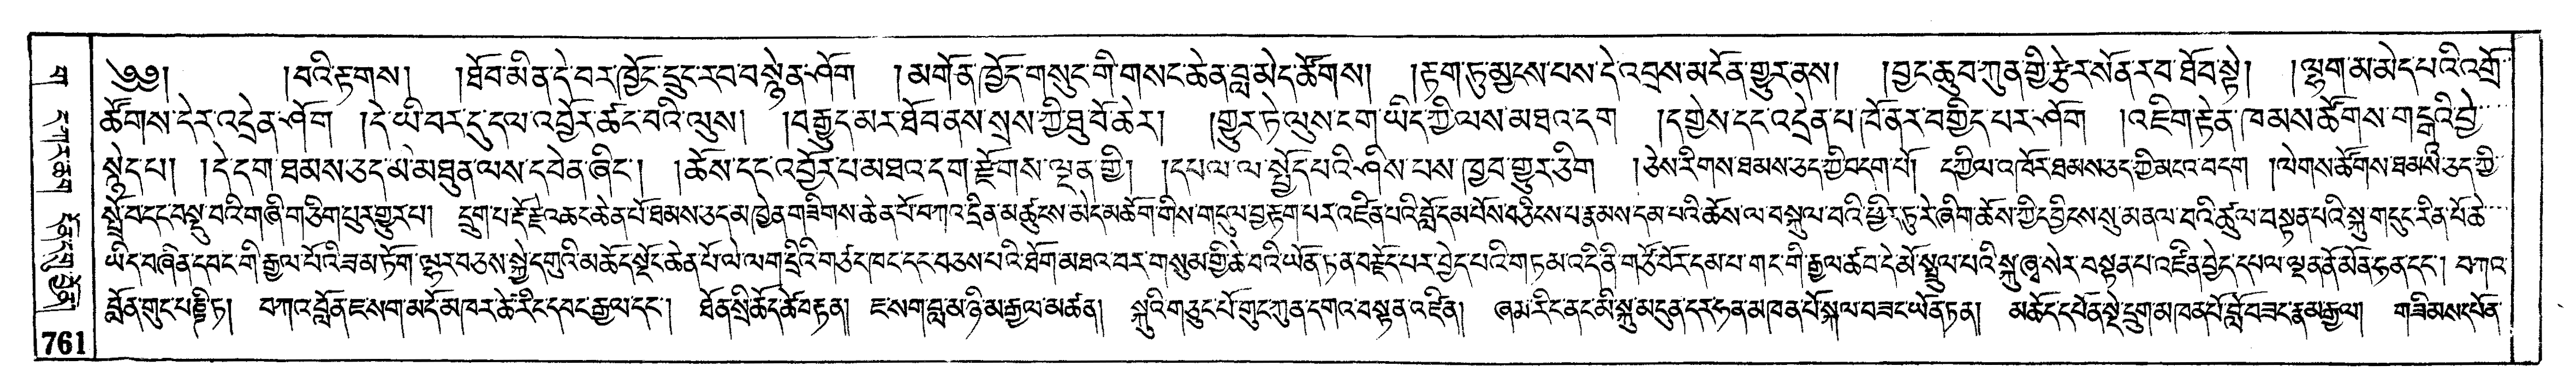༄༅། །བའི་རྟགས། །ཐོབ་མིན་དེ་བར་ཁྱོད་དྲུང་རབ་བསྙེན་ཤོག །མགོན་ཁྱོད་གསུང་གི་གསང་ཆེན་བླ་མེད་ཚོགས། །རྟག་ཏུ་མྱངས་པས་དེ་འབྲས་མདོན་གྱུར་ནས། །བྱང་ཆུབ་ཀུན་གྱི་རྩེར་སོན་རབ་ཐོབ་སྟེ། །ལྷག་མ་མེད་པའི་འགྲོ་
ཚོགས་དེར་འདྲེན་ཤོག །དེ་ཡི་བར་དུ་དལ་འབྱོར་ཚང་བའི་ལུས། །བརྒྱུད་མར་ཐོབ་ནས་སྲས་ཀྱི་ཐུ་བོ་ཆེར། །གྱུར་ཏེ་ལུས་ངག་ཡིད་ཀྱི་ལས་མཐའ་དག །དགྱེས་དང་འདྲེན་པ་ཁོ་ནར་བགྱིད་པར་ཤོག །འཇིག་རྟེན་ཁམས་ཚོགས་གངྒཱའི་བྱེ་
སྙེད་པ། །དེ་དག་ཐམས་ཅད་མི་མཐུན་ལས་དབེན་ཞིང་། །ཆོས་དང་འབྱོར་པ་མཐའ་དག་རྫོགས་ལྡན་གྱི། །དཔལ་ལ་སྤྱོད་པའི་ཤིས་པས་ཁྱབ་གྱུར་ཅིག །ཅེས་རིགས་ཐམས་ཅད་ཀྱི་བདག་པོ། དཀྱིལ་འཁོར་ཐམས་ཅད་ཀྱི་མངའ་བདག །ལེགས་ཚོགས་ཐམས་ཅད་ཀྱི་
སྤྲོ་བ་དང་བསྡུ་བའི་གཞི་གཅིག་པུར་གྱུར་པ། དྲུག་པ་རྡོ་རྗེ་འཆང་ཆེན་པོ་ཐམས་ཅད་མཁྱེན་གཟིགས་ཆེན་པོ་བཀའ་དྲིན་མཚུངས་མེད་མཆོག་གིས་གདུལ་བྱ་རྟག་པར་འཛིན་པའི་བློ་དམ་པོས་བཅིངས་པ་རྣམས་དམ་པའི་ཆོས་ལ་བསྐུལ་བའི་ཕྱིར་ཏུ་རེ་ཞིག་ཆོས་ཀྱི་དབྱིངས་སུ་མནལ་བའི་ཚུལ་བསྟན་པའི་སྐུ་གདུང་རིན་པོ་ཆེ་
ཡིད་བཞིན་དབང་གི་རྒྱལ་པོའི་ཟ་མ་ཏོག་ལྷར་བཅས་སྐྱེ་དགུའི་མཆོད་སྡོང་ཆེན་པོ་ལེ་ལག་དྲིའི་གཙང་ཁང་དང་བཅས་པའི་ཐོག་མཐའ་བར་གསུམ་གྱི་ཆེ་བའི་ཡོན་ཏན་བརྗོད་པར་བྱེད་པའི་གཏམ་འདི་ནི་གཙོ་བོར་དམ་པ་གང་གི་རྒྱལ་ཚབ་དེ་མོ་སྤྲུལ་པའི་སྐུ་ཞྭ་སེར་བསྟན་པ་འཛིན་བྱེད་དཔལ་ལྡན་ནོ་མོན་ཧན་དང་། བཀའ་
བློན་གུང་པཎྜིཏ། བཀའ་བློན་ཇ་སག་མདོ་མཁར་ཚེ་རིང་དབང་རྒྱལ་དང་། ཐོན་སྲི་ཆོད་ཚེ་བརྟན། ཇ་སག་བླ་མ་ཉི་མ་རྒྱལ་མཚན། སྐུའི་གཅུང་པོ་གུང་ཀུན་དགའ་བསྟན་འཛིན། ཞམ་རིང་ནང་མ་སྐུ་མདུན་དར་ཧན་མཁན་པོ་སྐལ་བཟང་ཡོན་ཏན། མཆོད་དཔོན་སྡེ་དྲུག་མཁན་པོ་བློ་བཟང་རྣམ་རྒྱལ། གཟིམས་དཔོན་